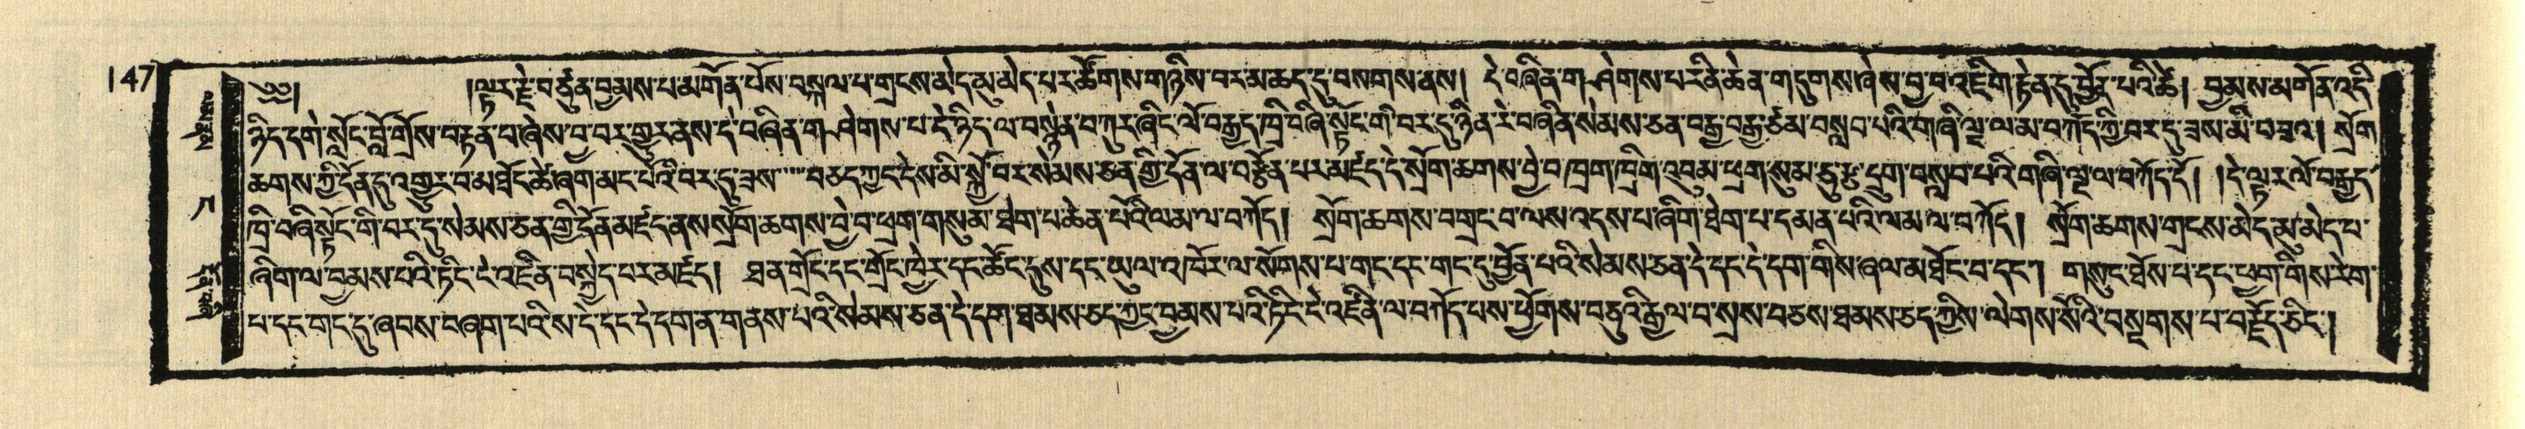༄༅། །ལྟར་རྗེ་བཙུན་བྱམས་པ་མགོན་པོས་བསྐལ་པ་གྲངས་མེད་མུ་མེད་པར་ཚོགས་གཉིས་བར་མ་ཆད་དུ་བསགས་ནས། དེ་བཞིན་གཤེགས་པ་རིན་ཆེན་གདུགས་ཞེས་བྱ་བ་འཇིག་རྟེན་དུ་བྱོན་པའི་ཚེ། བྱམས་མགོན་འདི་
ཉིད་དགེ་སློང་བློ་གྲོས་བརྟན་པ་ཞེས་བྱ་བར་གྱུར་ནས་དེ་བཞིན་གཤེགས་པ་དེ་ཉིད་ལ་བསྙེན་བཀུར་ཞིང་ལོ་བརྒྱད་ཁྲི་བཞི་སྟོང་གི་བར་དུ་ཉིན་རེ་བཞིན་སེམས་ཅན་བརྒྱ་བརྒྱ་ཙམ་བསླབ་པའི་གཞི་ལྔ་ལ་མ་བཀོད་ཀྱི་བར་དུ་ཟས་མི་བཟའ། སྲོག་
ཆགས་ཀྱི་དོན་དུ་འགྱུར་བ་མཐོང་ཚེ་ཞག་མང་པོའི་བར་དུ་ཟས་བཅད་ཀྱང་དེས་མི་སྐྱོ་བར་སེམས་ཅན་གྱི་དོན་ལ་བརྩོན་པར་མཛད་དེ་སྲོག་ཆགས་བྱེ་བ་ཁྲག་ཁྲིག་འབུམ་ཕྲག་སུམ་ཅུ་རྩ་དྲུག་བསླབ་པའི་གཞི་ལྔ་ལ་བཀོད་དོ། །དེ་ལྟར་ལོ་བརྒྱད་
ཁྲི་བཞི་སྟོང་གི་བར་དུ་སེམས་ཅན་གྱི་དོན་མཛད་ནས་སྲོག་ཆགས་བྱེ་བ་ཕྲག་གསུམ་ཐེག་པ་ཆེན་པོའི་ལམ་ལ་བཀོད། སྲོག་ཆགས་བགྲང་བ་ལས་འདས་པ་ཞིག་ཐེག་པ་དམན་པའི་ལམ་ལ་བཀོད། སྲོག་ཆགས་གྲངས་མེད་མུ་མེད་པ་
ཞིག་ལ་བྱམས་པའི་ཏིང་ངེ་འཛིན་བསྐྱེད་པར་མཛད། ཐན་གྲོང་དང་གྲོང་ཁྱེར་དང་ཚོང་དུས་དང་ཡུལ་འཁོར་ལ་སོགས་པ་གང་དང་གང་དུ་བྱོན་པའི་སེམས་ཅན་དེ་དང་དེ་དག་གིས་ཞལ་མཐོང་བ་དང་། གསུང་ཐོས་པ་དང་ཕྱག་གིས་རེག་
པ་དང་གང་དུ་ཞབས་བཞག་པའི་ས་དེ་དང་དེ་དག་ན་གནས་པའི་སེམས་ཅན་དེ་དག་ཐམས་ཅད་ཀྱང་བྱམས་པའི་ཏིང་ངེ་འཛིན་ལ་བཀོད་པས་ཕྱོགས་བཅུའི་རྒྱལ་བ་སྲས་བཅས་ཐམས་ཅད་ཀྱིས་ལེགས་སོའི་བསྔགས་པ་བརྗོད་ཅིང་།